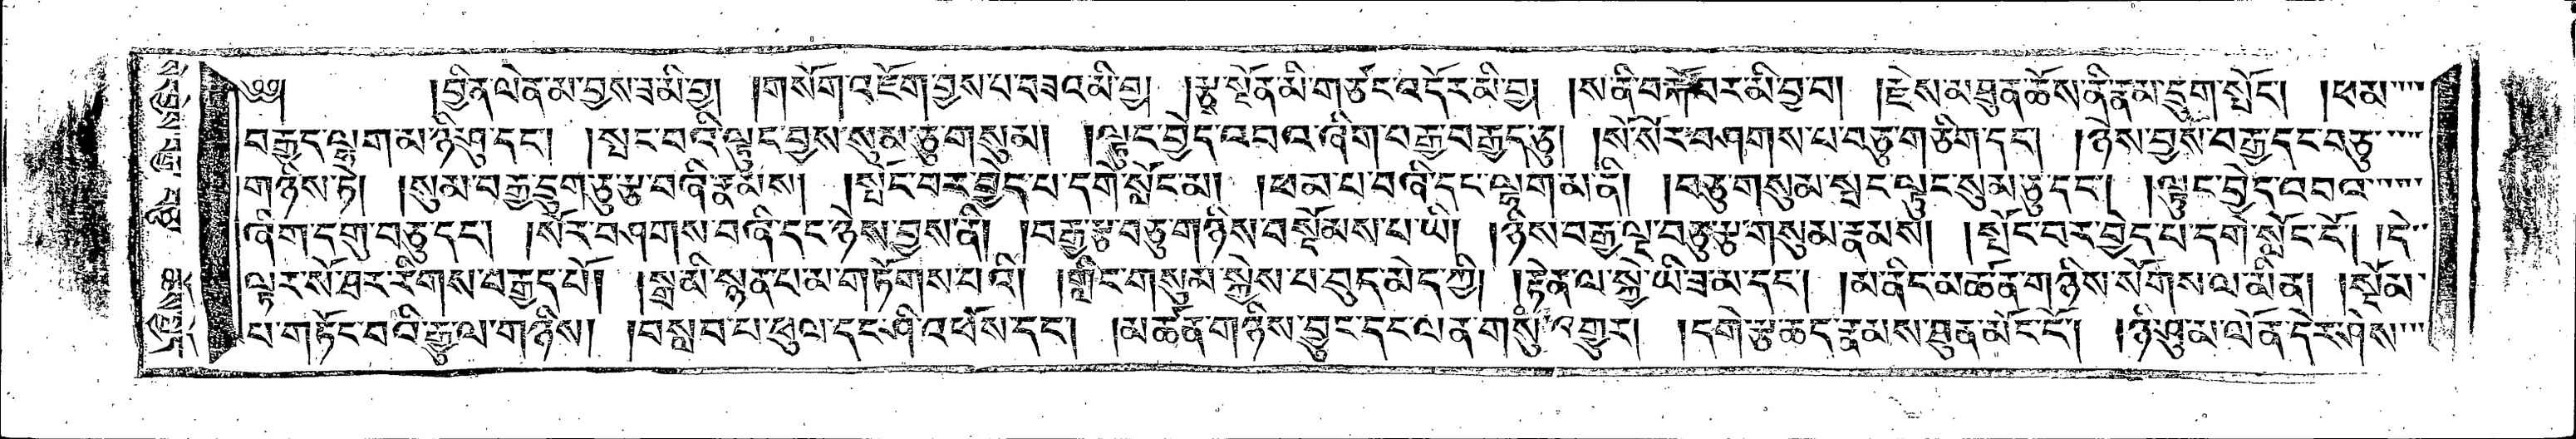༄༅། །བྱིན་ལེན་མ་བྱས་ཟ་མི་བྱ། །གསོག་འཇོག་བྱས་པ་བཟའ་མི་བྱ། །རྩྭ་སྔོན་མི་གཙང་འདོར་མི་བྱ། །ས་ནི་བརྐོ་བར་མི་བྱ་བ། །རྗེས་མཐུན་ཆོས་ནི་རྣམ་དྲུག་སྤོང་། །ཕམ་
བརྒྱུད་ལྷག་མ་ཉི་ཤུ་དང་། །སྤང་བའི་ལྟུང་བྱས་སུམ་ཅུ་གསུམ། །ལྟུང་བྱེད་འབའ་ཞིག་བརྒྱ་བརྒྱད་ཅུ། །སོ་སོར་བཤགས་པ་བཅུ་གཅིག་དང་། །ཉེས་བྱས་བརྒྱ་དང་བཅུ་
གཉིས་ཏེ། །སུམ་བརྒྱ་དྲུག་ཅུ་རྩ་བཞི་རྣམས། །སྤོང་བར་བྱེད་པ་དགེ་སློང་མ། །ཕམ་པ་བཞི་དང་ལྷག་མ་ནི། །བཅུ་གསུམ་སྤངས་ལྟུང་སུམ་ཅུ་དང་། །ལྟུང་བྱེད་འབའ་
ཞིག་དགུ་བཅུ་དང་། །སོར་བཤགས་བཞི་དང་ཉེས་བྱས་ནི། །བརྒྱ་རྩ་བཅུ་གཉིས་བསྡོམས་པ་ཡི། །ཉིས་བརྒྱ་ལྔ་བཅུ་རྩ་གསུམ་རྣམས། །སྤོང་བར་བྱེད་པ་དགེ་སློང་ངོ། །དེ་
ལྟར་སོ་ཐར་རིགས་བརྒྱད་པོ། །སྒྲ་མི་སྙན་པ་མ་གཏོགས་པའི། །གླིང་གསུམ་སྐྱེས་པ་བུད་མེད་ཀྱི། །རྟེན་ལ་སྐྱེ་ཡི་ཟ་མ་དང་། །མ་ནིང་མཚན་གཉིས་སོགས་ལ་མིན། །སྡོམ་
པ་གཏོང་བའི་རྒྱུ་ལ་གཉིས། །བསླབ་པ་ཕུལ་དང་ཤི་འཕོས་དང་། །མཚན་གཉིས་བྱུང་དང་ལན་གསུམ་འགྱུར། །དགེ་རྩ་ཆད་རྣམས་ཐུན་མོང་ངོ། །ཉི་ཤུ་མ་ལོན་དེར་ཤེས་